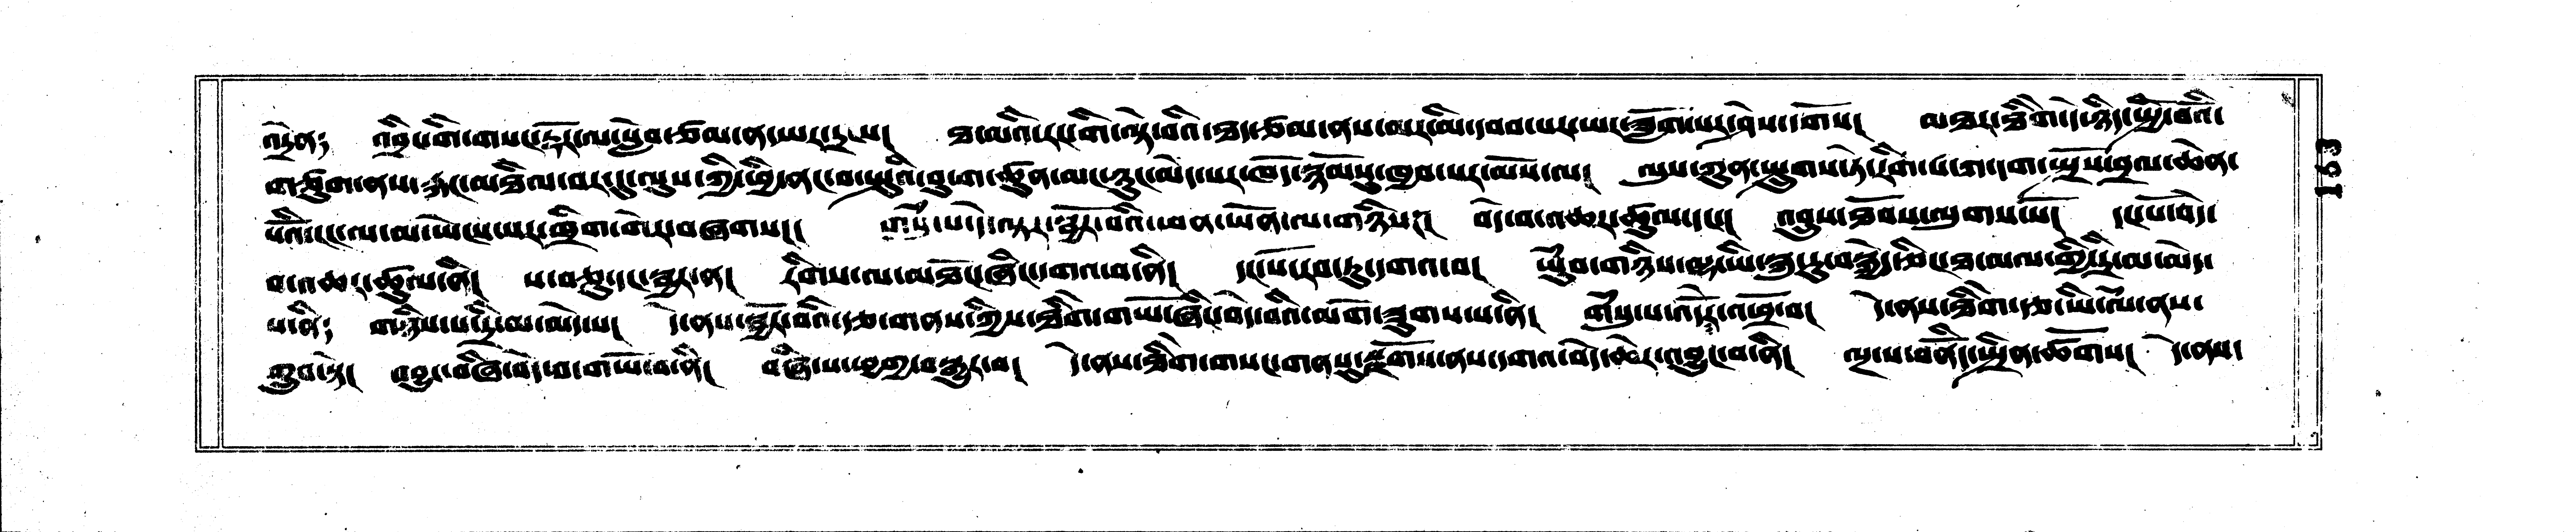འདྲེན། འབྲིང་གི་གསང་རྡོར་ལ་སླེབས་ཙམ་ན་ཡར་དྲངས། ཐ་མའི་རང་གི་ལྟེ་བའི་ཐད་ཙམ་ནས་མར་མི་དབབ་པར་ཡར་ཟོག་པར་ཤེས་དགོས། མཐར་ཐིག་ལེ་དེ་ཉིད་སྤྱི་བོའི་
གཙུག་ནས་རྐང་མཐིལ་བར་དུ་ལུས་ཀྱི་ཕྱི་ནང་བ་སྤུའི་བུ་ག་ཚུན་མང་ཉུང་མེད་པར་ཁོད་སྙོམས་སུ་ཁྱབ་པར་མོས་ལ། ལུས་ཀུན་སྤྲུགས་ཏེ་རིག་པ་ཀ་དག་སྤྲོས་བྲལ་ཆེན་
པོའི་ངང་ལ་མ་ཡེངས་པར་ཁྲེག་གེར་བཞག །གསུམ་པ་དེ་ལྟར་སྦྱོར་བའི་ཕན་ཡོན་ལ་གཉིས། བདེ་བ་འཆར་ཚུལ་དང་འབྲས་བུ་ཐོབ་ལུགས་སོ། །དང་པོ་བདེ་
བ་འཆར་ཚུལ་ནི། ས་བཅུ་དང་སྦྱར་ན། རིགས་ལ་མཐོང་ཞིང་དགའ་བ་ནི། དང་པོ་རབ་དུ་དགའ་བ། ཡབ་ཡུམ་གཉིས་ལྷ་ཡི་སྐུ་རུ་བསྐྱེད་ཅིང་ཐ་མལ་གྱི་དྲི་མ་མེད་
པ་ནི། དྲི་མ་མེད་པ། དེ་ནས་སྦྱོར་བའི་རྩ་གནས་ཀྱིས་ཐིག་ལེ་གཡོ་ཞིང་བདེ་བའི་འགོ་ཟུགས་པ་ནི། གསུམ་པ་འོད་ཟེར་འཕྲོ་བ། དེ་ནས་ཐིག་ལེ་རྩ་ཡི་ལམ་ནས་
གྲུབ་སྟེ། འབྱུང་བཞི་བདེ་བ་གཡོ་བ་ནི། བཞི་པ་ཕྱག་རྒྱ་བསྒྱུར་བ། དེ་ནས་ཐིག་ལེ་གསང་གནས་སུ་རྫོགས་ནས་དགའ་བདེ་ཆེར་འབྱུང་བ་ནི། ལྔ་པ་བོན་ཉིད་སྤྲིན་ཚོགས། དེ་ནས་